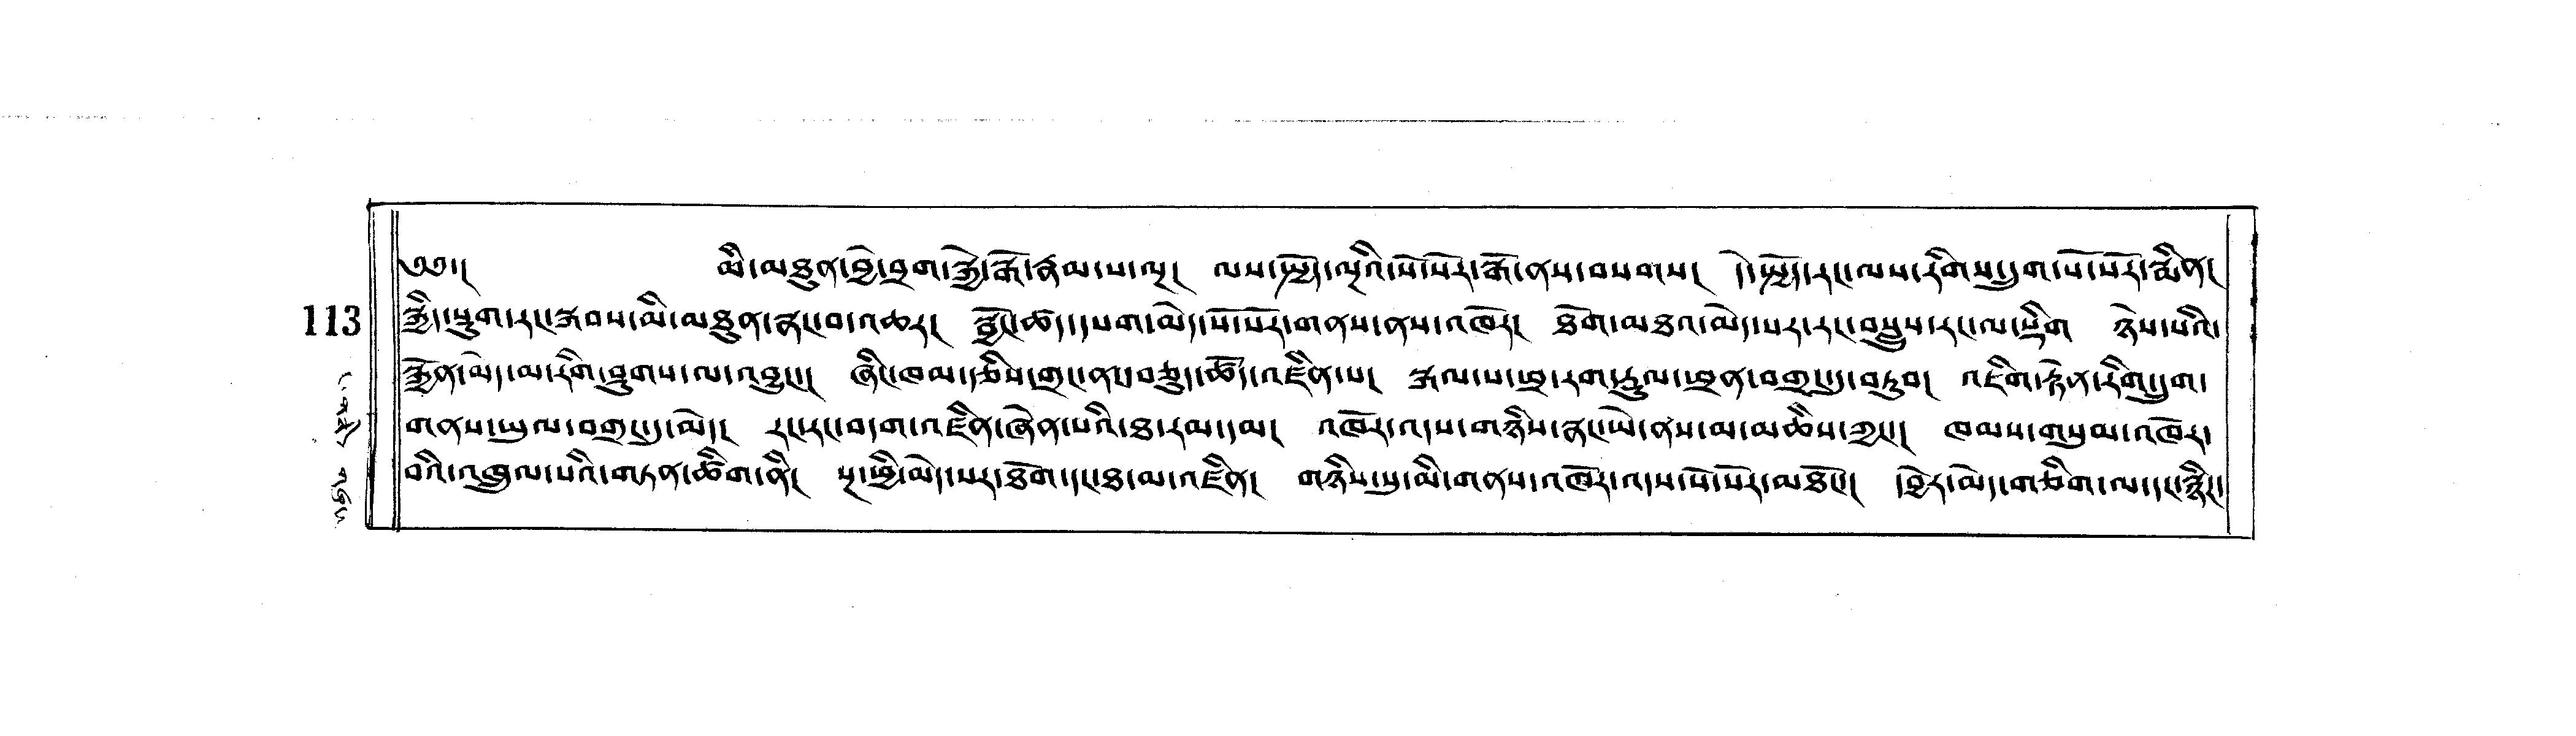མི་མཐུན་བྱེ་བྲག་སྐྱེ་སྒོ་རྣམ་པ་ལྔ། ལས་སྤྱོད་ལྔ་ཡི་སོ་སོར་སྒོ་ནས་བསགས། དེ་སྤྱོད་རང་ལས་རིགས་དྲུག་སོ་སོར་སྨིན། 
སྐྱིད་སྡུག་རང་སྐབས་མི་མཐུན་སྣང་བ་འཆར། སྦྱོང་ཚད་དཔག་མེད་སོ་སོར་གནས་ནས་འཁོར། ཐོག་མཐའ་མེད་པར་རང་བསླུས་རང་ལ་སྡིག ཉེས་པའི་
སྐྱོན་མེད་མ་རིག་ཤུགས་ལ་འབྱུང་། དེ་སྤྱོད་རང་ལས་རིགས་དྲུག་སོ་སོར་སྨིན། སྐྱིད་སྡུག་རང་སྐབས་མི་མཐུན་སྣང་བ་འཆར། སྦྱོང་ཚད་དཔག་མེད་སོ་སོར་གནས་ནས་འཁོར། ཐོག་མཐའ་མེད་པར་རང་བསླུས་རང་ལ་སྡིག ཉེས་པའི་སྐྱོན་མེད་མ་རིག་ཤུགས་ལས་འབྱུང་། ཞིང་ཁམས་རྩིས་གྲངས་ནང་བཅུད་ཚོད་འཛིན་པ། བསྐལ་པ་ཕྲ་རགས་རྡུལ་ཕྲན་བགྲང་དུ་བཏུབ། འཇིག་རྟེན་རིགས་དྲུག་
སྣང་ཡུལ་བགྲང་དུ་མེད། རང་རང་བདག་འཛིན་ཞེན་པའི་ཐ་རམ་དམ། འཁོར་འདས་གཉིས་སྣང་ཡེ་ནས་མ་མཆིས་ཀྱང་། ཁམས་གསུམ་འཁོར་
བའི་འཁྲུལ་པའི་གཏན་ཚིགས་ནི། སྔ་ཕྱི་མེད་པར་ཐོག་དང་ཐ་མ་འཛིན། གཉིས་སུ་མི་གནས་འཁོར་འདས་སོ་སོར་མཐོང་། དབྱེར་མེད་གཅིག་ལ་དང་སྙིགས་